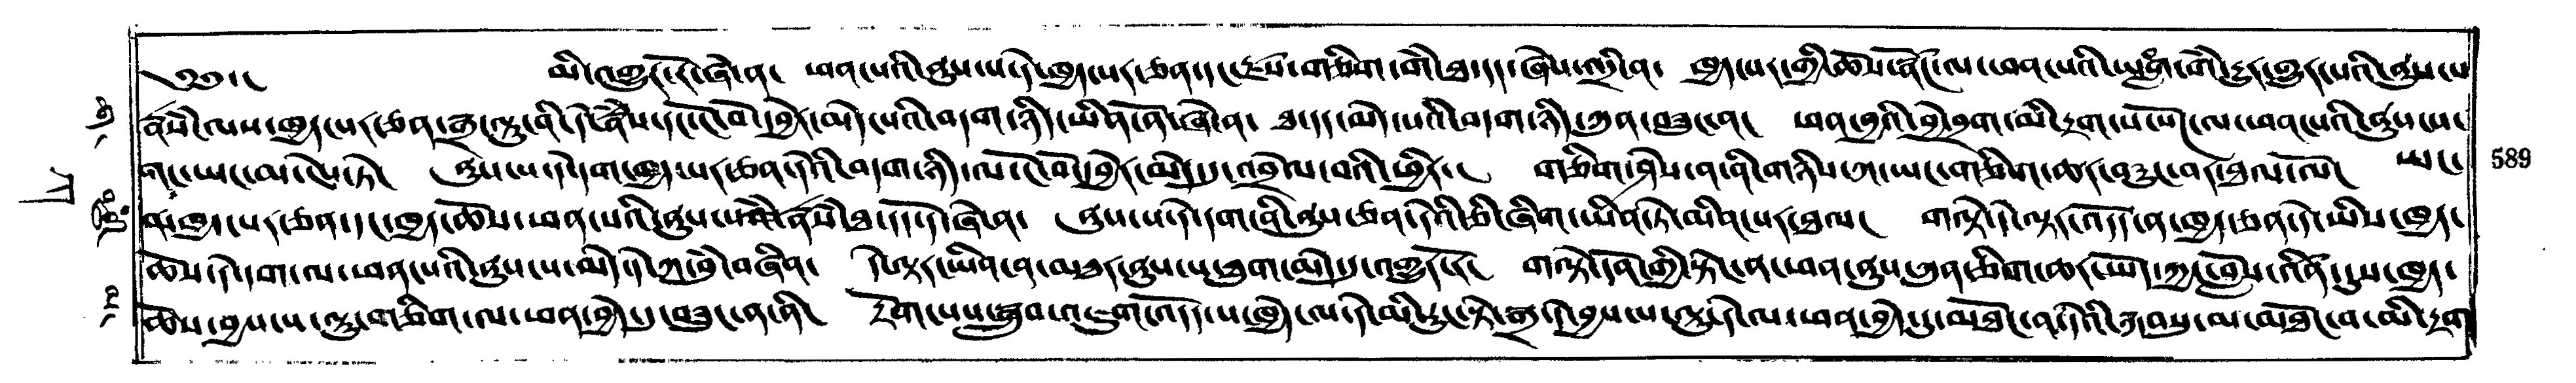མི་འགྱུར་རོ་ཞེ་ན། ཕན་པའི་ནུས་པ་དེ་ཁྱད་པར་ཅན་དང་རྫས་གཅིག་གམ་ཐ་དད་ཞེས་འདྲི་ན། ཁྱད་པར་གྱི་ཆོས་སྣ་ཚོགས་ལ་ཕན་པའི་ཡན་ལག་གམ་རྒྱུར་གྱུར་པའི་ནུས་པ་
རྣམས་ལས་ཁྱད་པར་ཅན་སྒྲ་ལྟ་བུ་ནི་དེ་རྣམས་དང་ངོ་བོ་དབྱེར་མེད་པའི་བདག་ཉིད་ཡིན་ནོ་ཞེ་ན། ཐ་དད་མེད་པའི་བདག་ཉིད་ཀུན་བཟུང་ན། ཕན་བྱའི་བྱེ་བྲག་མི་རྟག་པ་སོགས་ལ་ཕན་པའི་ནུས་པ་
གང་ཡང་མ་ངེས་ཏེ། ནུས་པ་དེ་དག་ཁྱད་པར་ཅན་དེའི་བདག་ཉིད་ལ་ངོ་བོ་དབྱེར་མེད་དུ་འབྲེལ་བའི་ཕྱིར། གཅིག་ཤེས་ན་ནི་གཉིས་ཀ་ཡང་གཅིག་ཆར་བཟུང་བར་ཐལ་ལོ།།ཡང་
ན་ཁྱད་པར་ཅན་དང་ཁྱད་ཆོས་ཕན་པའི་ནུས་པ་རྣམས་ཐ་དད་དོ་ཞེ་ན། ནུས་པ་དེ་དག་ནི་ནུས་ཅན་དེའི་ཅི་ཞིག་ཡིན་ཏེ་མིན་པར་ཐལ། གལ་ཏེ་དེ་ལྟར་འདོད་ན་ཁྱད་ཅན་དེ་ཡིས་ཁྱད་
ཆོས་དེ་དག་ལ་ཕན་པའི་ནུས་པ་མེད་དེ་ཀ་བུམ་བཞིན། དེ་ལྟར་ཡིན་ན་མཐར་ནུས་པ་ཐུག་མེད་དུ་འགྱུར་རོ།། གལ་ཏེ་དོན་གྱི་སྟེང་ན་ཕན་ནུས་ཀུན་ཅིག་ཆར་ཡོད་ཀྱང་བློས་འཛིན་དུས་ཁྱད་
ཆོས་བྱས་པ་ལྟ་བུ་གཅིག་ལ་ཕན་བྱེད་དུ་བཟུང་ན་ནི། རྟོག་པས་སྒྲུབ་འཇུག་འདོད་པ་ཁྱེད་ལ་དེ་མི་རུང་སྟེ་སྒྲ་དེ་བྱས་པ་ལྟ་བུ་དེ་ལ་ཕན་བྱེད་དུ་མཐོང་ན་དེའི་སྐབས་སུ་མ་མཐོང་བ་མི་རྟག་